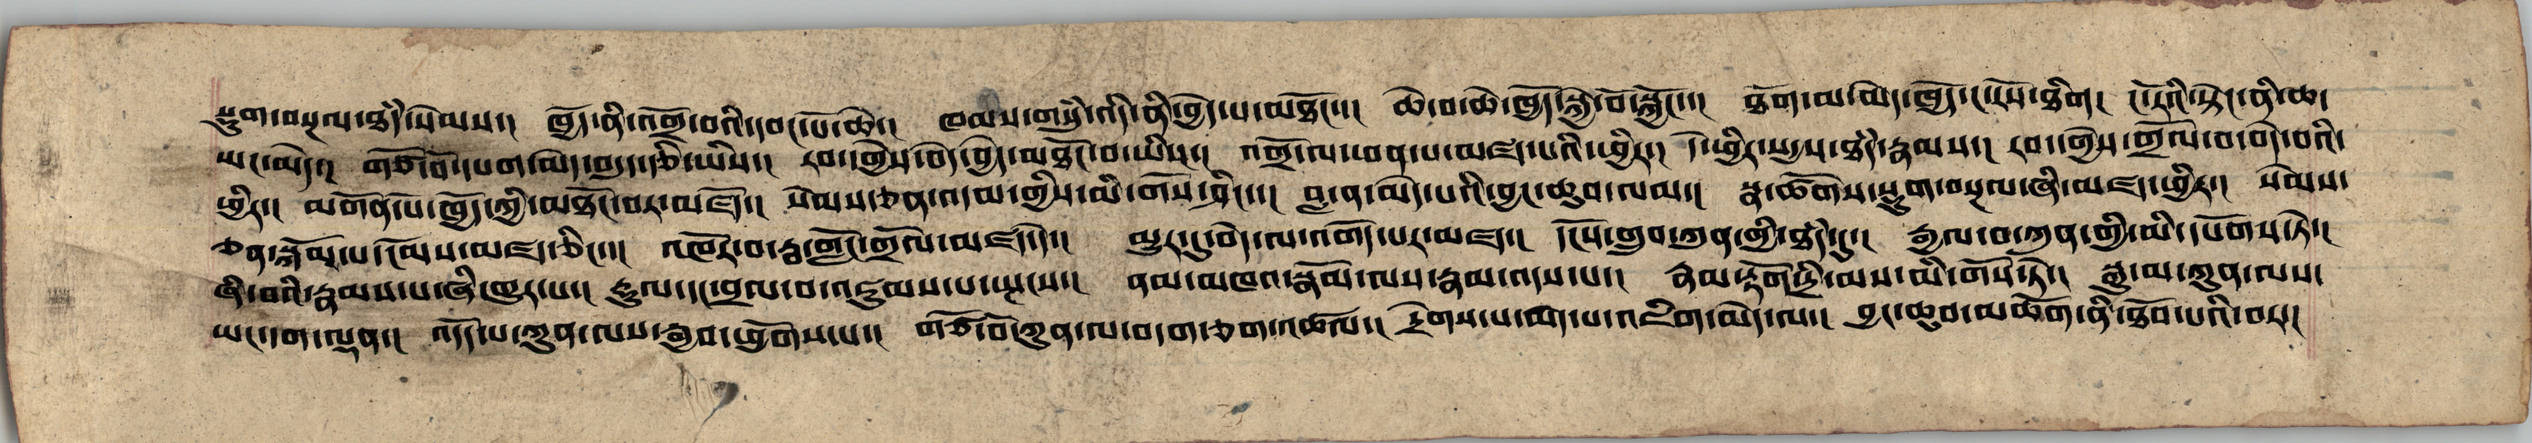སྡུག་བསྔལ་ཐདཾ་སེམས་། ཁྱོད་ནི་འགྲོ་བའི་དབང་པོ་ཆེ་། ཁམས་གསུཾ་འདི་ནི་བྱེད་པ་མཐོང་་། ཆེ་བ་ཆེ་ཁྱོད་སྐྱེ་བོ་སྐྱོང་་། ཐོག་མ་མེད་ཁྱོད་ང་རོས་ཐིག། ང་རོའི་སྟེང་ནི་ཆ་
ཡང་མེད་། གཙོ་བོ་དཔག་མེད་བདུད་རྩི་ཡིས་། རབ་དགྱེས་བདེ་བྱེད་མཐོང་བ་ཡིས་། འགྲོ་ལ་ཕན་པ་མཛད་པའི་ཕྱིར་། དེ་ཕྱིར་སདྱས་ཐདཾ་རྣམས་། རབ་དགྱེས་གྲོལ་བ་བདེ་བའི་
ཕྱིར་། མགོན་པོ་ཁྱོད་ཀྱི་མཐོང་བར་མཛོད་། སེམས་ཅན་འདམ་གྱིས་མི་གོས་ཤིང་་། བླ་ན་མེད་པའི་བྱང་ཆུབ་ལམ་། སྣ་ཚོགས་སྡུག་བསྔལ་ཞི་མཛད་ཕྱིར་། སེམས་
ཅན་སྐོམ་པ་ངོམས་མཛད་ཅིང་་། འཁོར་བ་རྦ་གློང་གྲོལ་མཛད་དེ་། མྱུར་དུ་བདེ་ལ་འགོད་པར་མཛད་། དངོས་གྲུབ་ཀུན་གྱི་ཐཾད་དུ་། རྒྱལ་བ་ཀུན་གྱི་མི་དཔོགས་ཏེ་།
ཞི་བའི་རྣམས་པ་ཞི་གྱུར་པ་། རྡུལ་དང་བྲལ་བ་འཇུམས་པ་སྤངས་། ནམ་མཁའ་སྒོམ་ལས་རྣམ་འདས་པ་། རྣམ་རྟོག་དྲི་མས་མི་གོས་ཏེ་། སྒྱུ་མ་ཀུན་ལས་
ཡང་དག་ལྡན་། འདོད་པ་ཀུན་ལས་རྒྱབ་ཕྱོགས་པ་། གཙོ་བོ་ཀུན་ལ་བདག་ཅག་འཚལ་། དྲེགས་པ་མེད་པ་འཇིག་མེད་ལ་། བྱང་ཆུབ་མཆོག་ནི་ཐོབ་པའི་བར་།